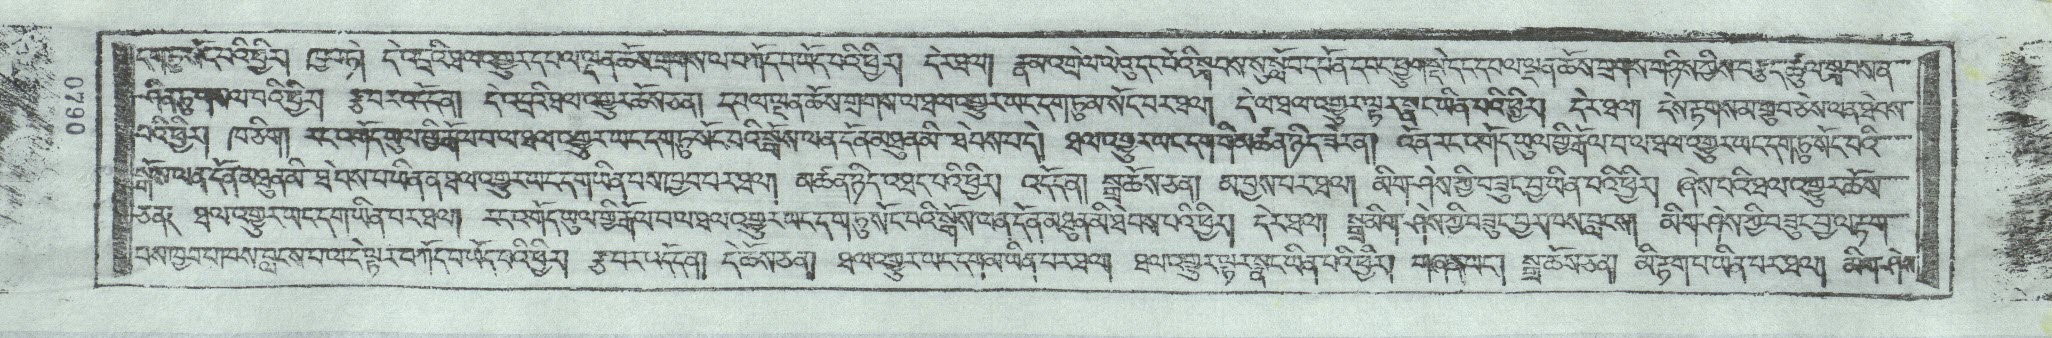དག་ཏུ་སོང་བའི་ཕྱིར། ཁྱབ་ཏེ། དེ་འདྲའི་ཐལ་འགྱུར་དཔལ་ལྡན་ཆོས་གྲགས་ལ་བཀོད་པ་ཡོད་པའི་ཕྱིར། དེར་ཐལ། རྣམ་འགྲེལ་ལེའུ་དང་པོའི་སྐབས་སུ་སློབ་དཔོན་དབང་ཕྱུག་སྡེ་དང་དཔལ་ལྡན་ཆོས་གྲགས་གཉིས་ཀྱིས་བརྩད་ཚུལ་སྐབས་ན་
ཤིན་ཏུ་གསལ་བའི་ཕྱིར། རྩ་བར་འདོད་ན། དེ་འདྲའི་ཐལ་འགྱུར་ཆོས་ཅན། དཔལ་ལྡན་ཆོས་གྲགས་ལ་ཐལ་འགྱུར་ཡང་དག་ཏུ་མ་སོང་བར་ཐལ། དེ་ལ་ཐལ་འགྱུར་ལྟར་སྣང་ཡིན་པའི་ཕྱིར། དེར་ཐལ། དེས་རྟགས་མ་གྲུབ་ཅེས་ལན་ཐེབས་
པའི་ཕྱིར། ཁ་ཅིག། རང་འགོད་ཡུལ་གྱི་རྒོལ་བ་ལ་ཐལ་འགྱུར་ཡང་དག་ཏུ་སོང་བའི་སྒོས་ལན་དོན་མཐུན་མི་ཐེབས་པ་དེ། ཐལ་འགྱུར་ཡང་དག་གི་མཚན་ཉིད་ཟེར་ན། འོ་ན་རང་འགོད་ཡུལ་གྱི་རྒོལ་བ་ལ་ཐལ་འགྱུར་ཡང་དག་ཏུ་སོང་བའི་
སྒོས་ལན་དོན་མཐུན་མི་ཐེབས་པ་ཡིན་ན་ཐལ་འགྱུར་ཡང་དག་ཡིན་པས་ཁྱབ་པར་ཐལ། མཚན་ཉིད་འཐད་པའི་ཕྱིར། འདོད་ན། སྒྲ་ཆོས་ཅན། མ་བྱས་པར་ཐལ། མིག་ཤེས་ཀྱི་བཟུང་བྱ་ཡིན་པའི་ཕྱིར། ཞེས་པའི་ཐལ་འགྱུར་ཆོས་
ཅན༑ ཐལ་འགྱུར་ཡང་དག་ཡིན་པར་ཐལ། རང་འགོད་ཡུལ་གྱི་རྒོལ་པ་ལ་ཐལ་འགྱུར་ཡང་དག་ཏུ་སོང་བའི་སྒོས་ལན་དོན་མཐུན་མི་ཐེབས་པའི་ཕྱིར། དེར་ཐལ། སྒྲ་མིག་ཤེས་ཀྱི་བཟུང་བྱར་ཁས་བླངས། མིག་ཤེས་ཀྱི་བཟུང་བྱ་ལ་རྟག་
པས་ཁྱབ་པ་ཁས་བླངས་པ་ལ་དེ་ལྟར་བཀོད་པ་ཡོད་པའི་ཕྱིར། རྩ་བར་འདོད་ན། དེ་ཆོས་ཅན། ཐལ་འགྱུར་ཡང་དག་མ་ཡིན་པར་ཐལ། ཐལ་འགྱུར་ལྟར་སྣང་ཡིན་པའི་ཕྱིར། གཞན་ཡང་། སྒྲ་ཆོས་ཅན། མི་རྟག་པ་ཡིན་པར་ཐལ། མིག་ཤེས་